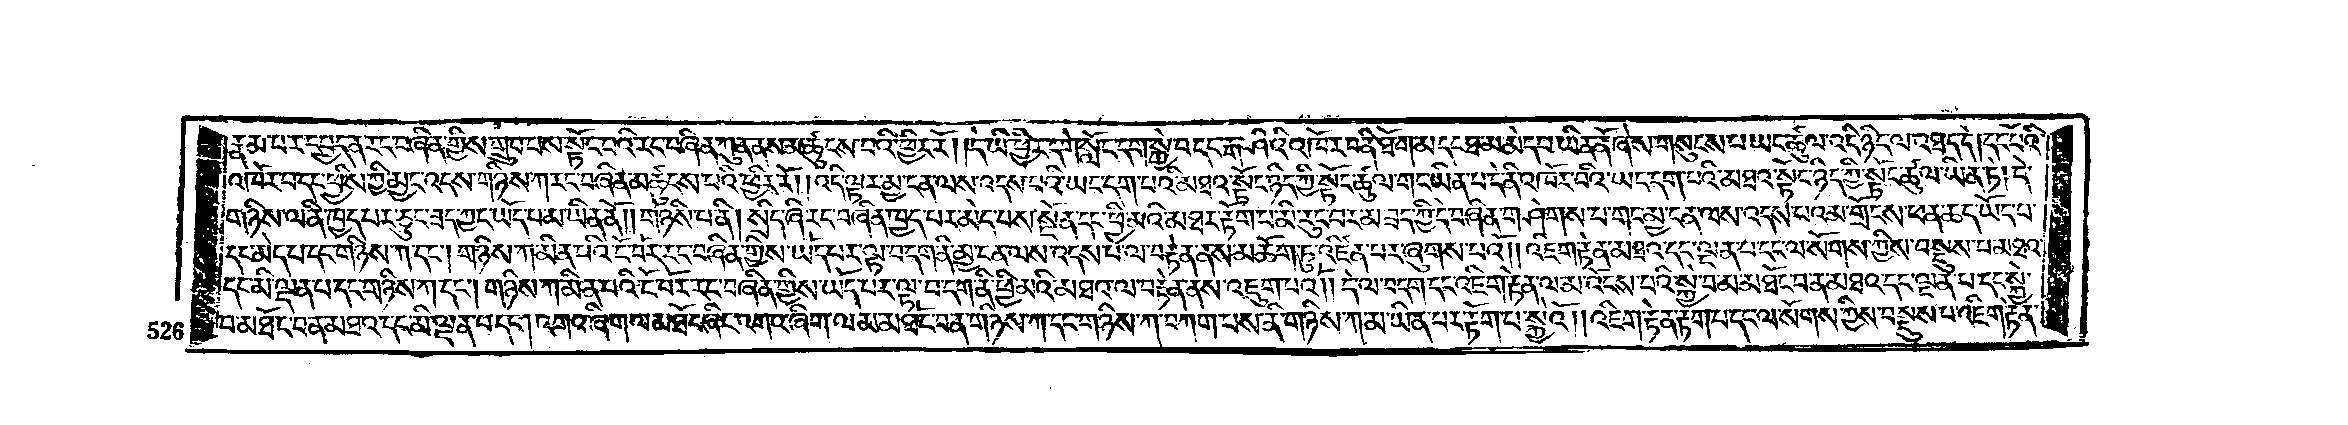རྣམ་པར་དཔྱད་ན་རང་བཞིན་གྱིས་གྲུབ་པས་སྟོང་པའི་རང་བཞིན་ཀུན་ནས་མཚུངས་པའི་ཕྱིར་རོ། །དེ་ཡི་ཕྱིར་དགེ་སློང་དག་སྐྱེ་བ་དང་རྒ་ཤིའི་འཁོར་བ་ནི་ཐོག་མ་དང་ཐ་མ་མེད་པ་ཡིན་ནོ་ཞེས་གསུངས་པ་ཡང་ཚུལ་འདི་ཉིད་ལ་འཐད་དེ། དང་པོའི་
འཁོར་བ་དང་ཕྱིས་ཀྱི་མྱང་འདས་གཉིས་ཀ་རང་བཞིན་མཚུངས་པའི་ཕྱིར་རོ། །འདི་ལྟར་མྱ་ངན་ལས་འདས་པའི་ཡང་དག་པའི་མཐའ་སྟོང་ཉིད་ཀྱི་སྟོང་ཚུལ་གང་ཡིན་པ་དེ་ནི་འཁོར་བའི་ཡང་དག་པའི་མཐའ་སྟོང་ཉིད་ཀྱི་སྟོང་ཚུལ་ཡིན་ཏེ། དེ་
གཉིས་ལ་ནི་ཁྱད་པར་ཅུང་ཟད་ཀྱང་ཡོད་པ་མ་ཡིན་ནོ། །གཉིས་པ་ནི། སྲིད་ཞི་རང་བཞིན་ཁྱད་པར་མེད་པས་སྔོན་དང་ཕྱི་མའི་མཐར་རྟོག་པ་མི་རུང་བར་མ་ཟད་ཀྱི་དེ་བཞིན་གཤེགས་པ་གང་མྱ་ངན་ལས་འདས་པའམ་གྲོངས་ཕན་ཆད་ཡོད་པ་
དང་མེད་པ་དང་གཉིས་ཀ་དང་། གཉིས་ཀ་མིན་པའི་ངོ་བོར་རང་བཞིན་གྱིས་ཡོད་པར་ལྟ་བདག་ནི་མྱ་ངན་ལས་འདས་པ་ལ་བརྟེན་ནས་མཆོག་ཏུ་འཛིན་པར་ཞུགས་པའོ། །འཇིག་རྟེན་མཐའ་དང་ལྡན་པ་དང་ལ་སོགས་ཀྱིས་བསྡུས་པ་མཐའ་
དང་མི་ལྡན་པ་དང་གཉིས་ཀ་དང་། གཉིས་ཀ་མིན་པའི་ངོ་བོར་རང་བཞིན་གྱིས་ཡོད་པར་ལྟ་བ་དག་ནི་ཕྱི་མའི་མཐའ་ལ་བརྟེན་ནས་འཇུག་པའོ། །དེ་ལ་བདག་དང་འཇིག་རྟེན་ལ་མ་འོངས་པའི་སྐྱེ་བ་མ་མཐོང་བ་ན་མཐའ་དང་ལྡན་པ་དང་སྐྱེ་
བ་མཐོང་བ་ན་མཐའ་དང་མི་ལྡན་པ་དང་། འགའ་ཞིག་ལ་མཐོང་ཞིང་འགའ་ཞིག་ལ་མ་མཐོང་བ་ན་གཉིས་ཀ་དང་གཉིས་ཀ་བཀག་པས་ནི་གཉིས་ཀ་མ་ཡིན་པར་རྟོག་པ་སྐྱེའོ། །འཇིག་རྟེན་རྟག་པ་དང་ལ་སོགས་ཀྱིས་བསྡུས་པ་འཇིག་རྟེན་